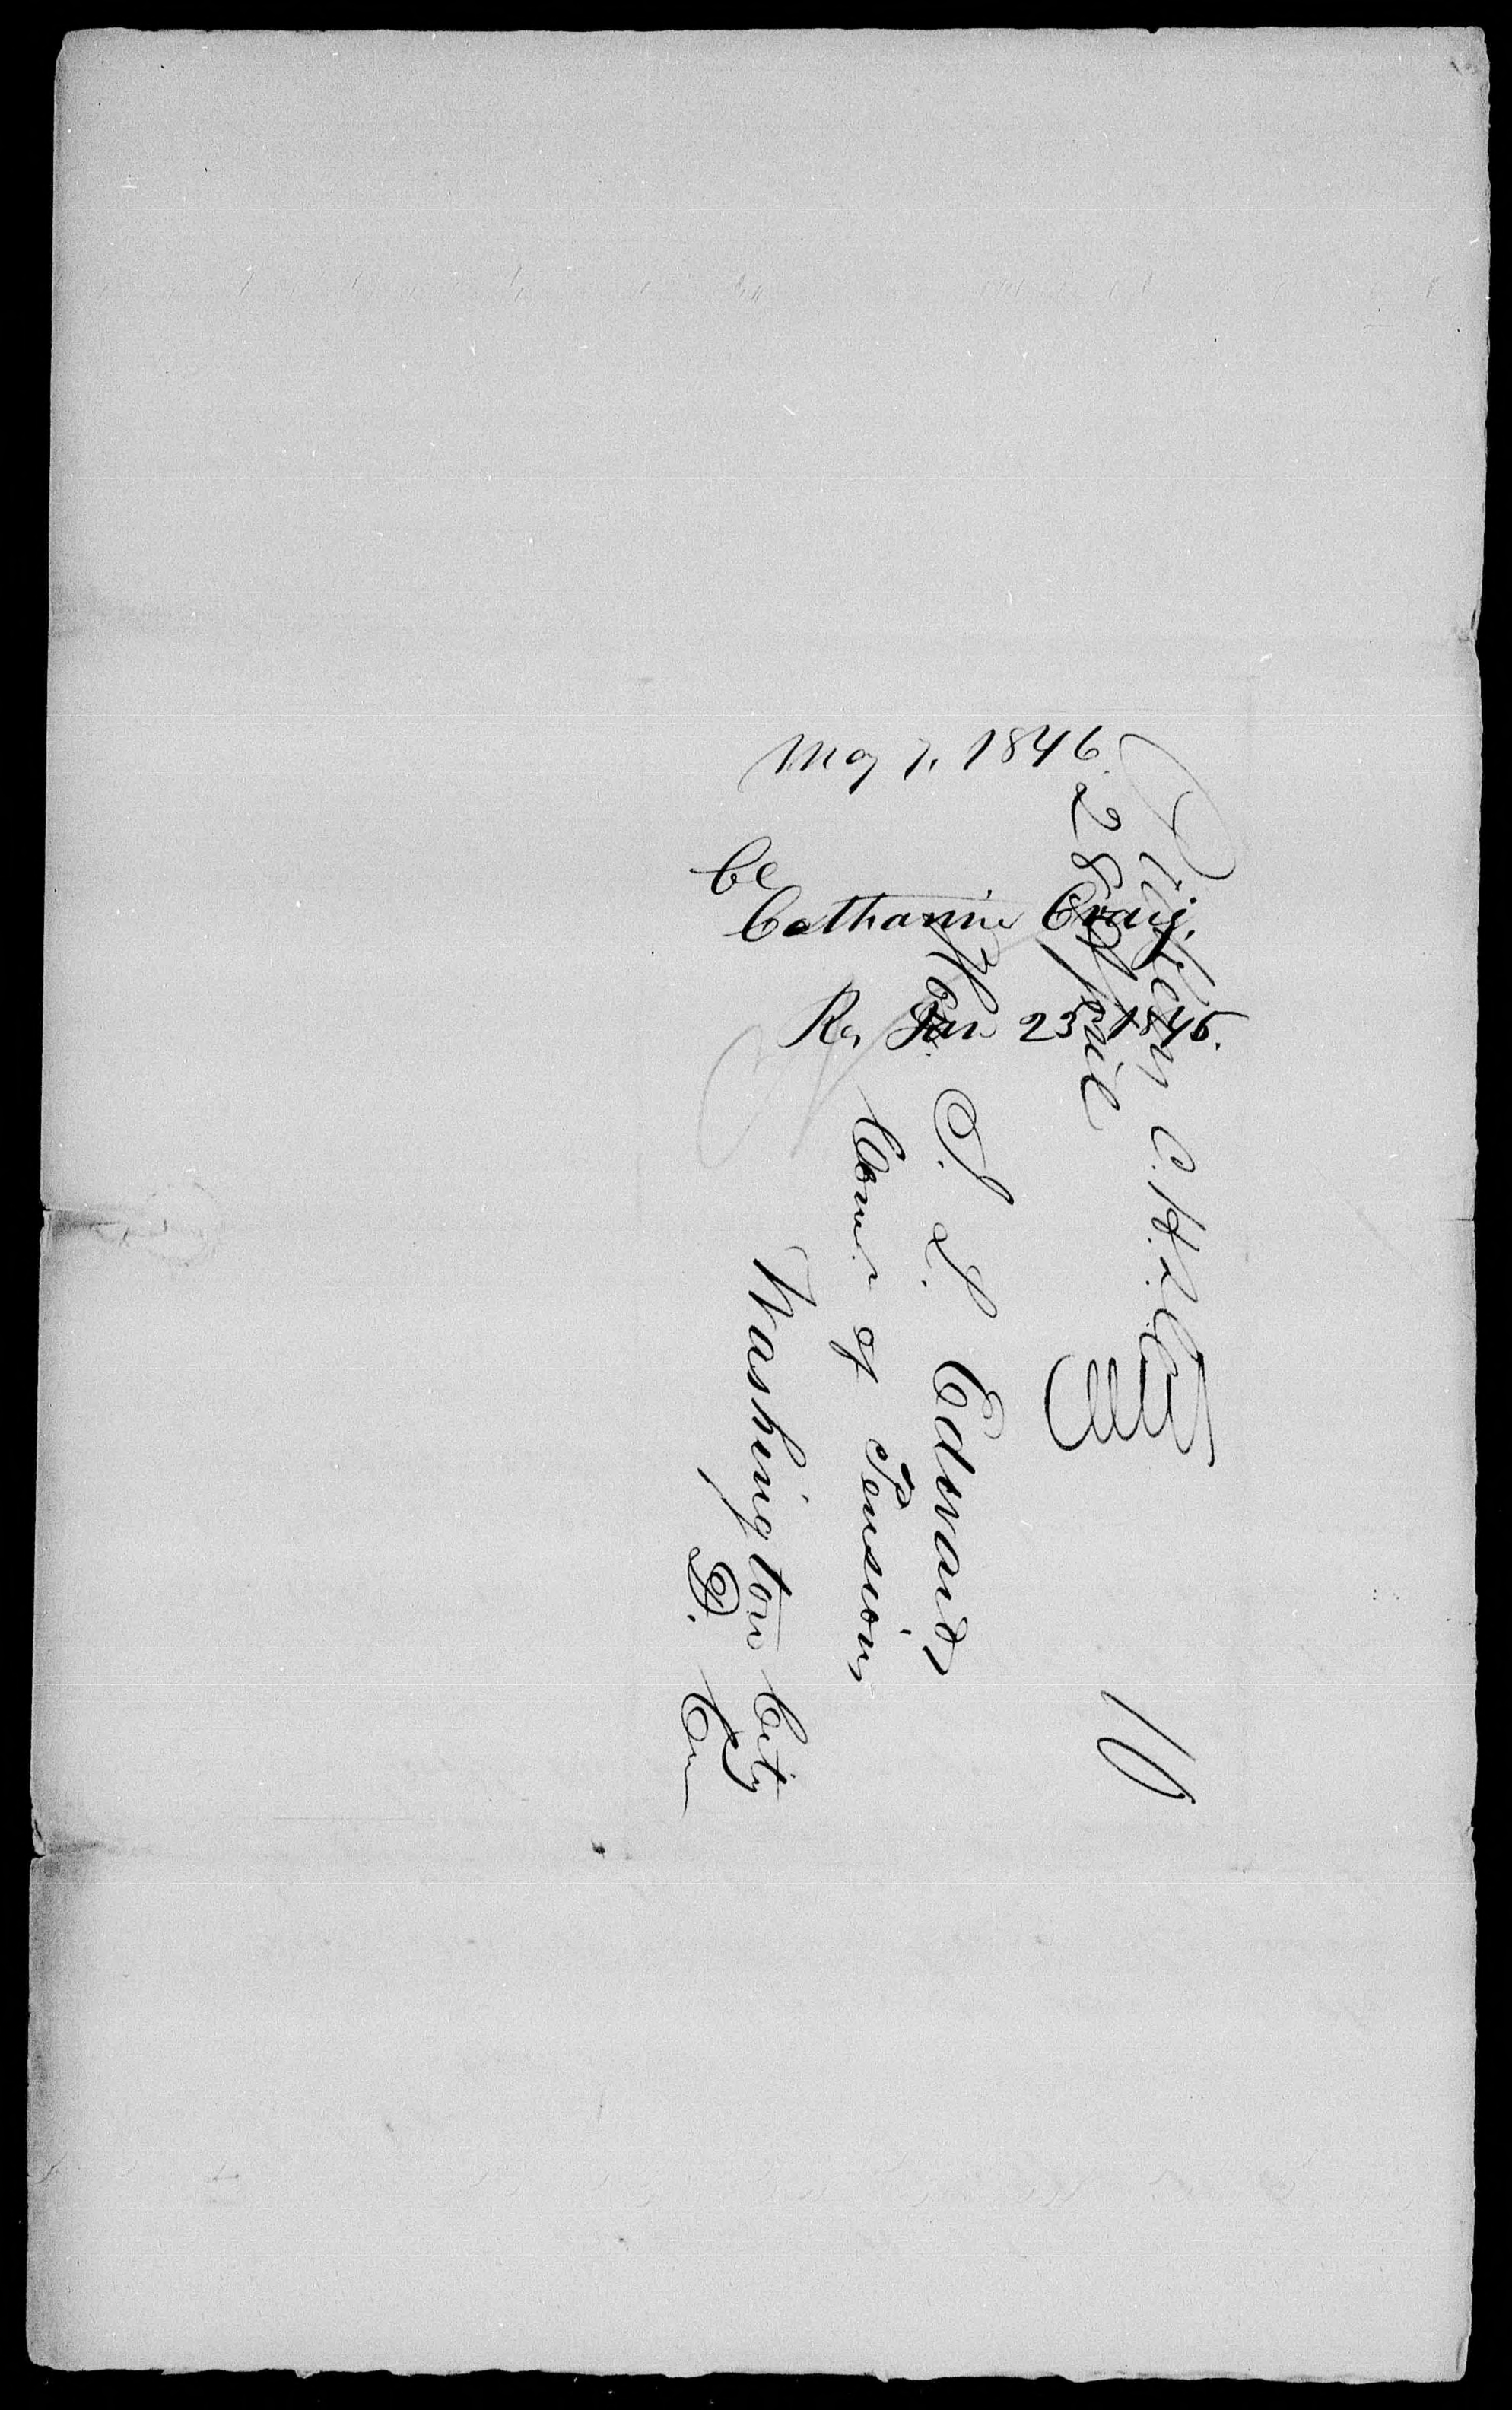May 7, 1846
be Catharine Craig
Re Jan 23, 1846
Picken 28 April
C.H.D.

J.L. Edwards
Comr. of Pensions
Washington City
D.C.
10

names: Catharine Craig, J L Edwards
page: 28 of 55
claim: widow's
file: W. 22864, John Craig, S.C. Born In Iceland